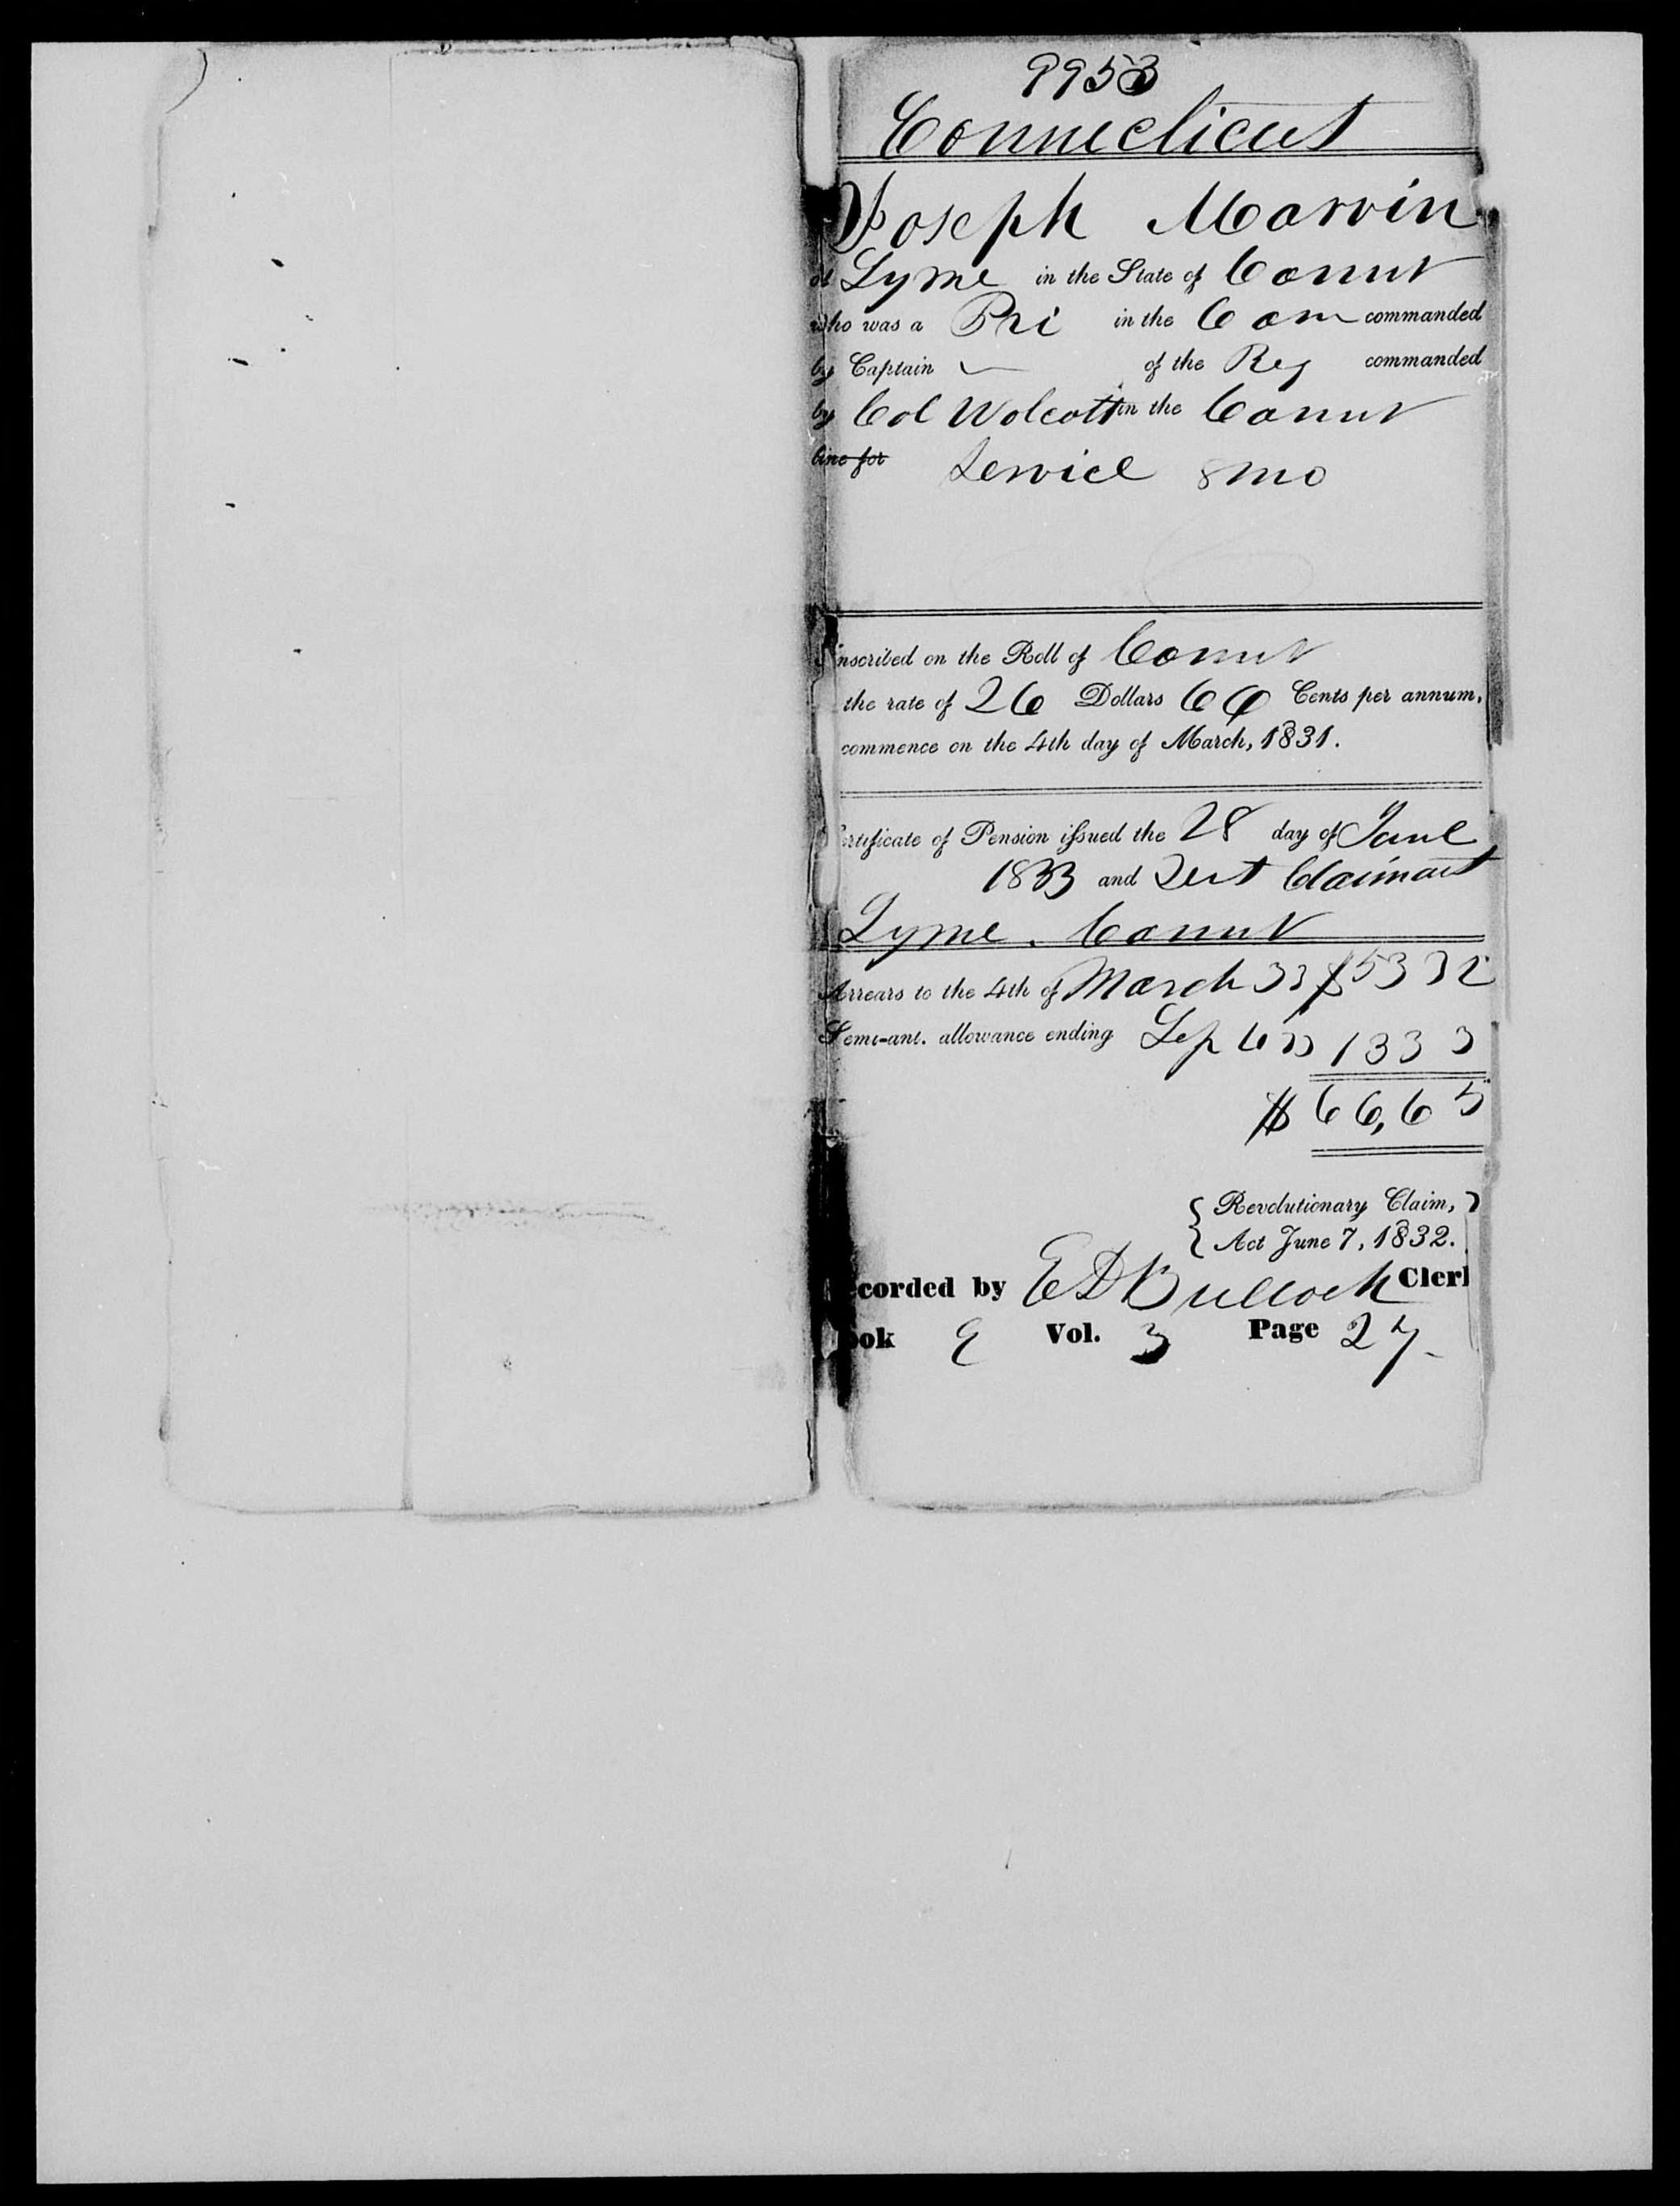9953
Connecticut
Joseph Marvin 
of Lyme in the state of Connecticut who was a pri in the Com commanded by Captain --- of the Reg commanded by Col Wolcott in the Connt line for service 8 mo

Inscribed on the Roll of Connt at the rate of 26 Dollars 66 Cents per annum, to commence on the 4th day of March, 1831.

Certificate of Pension issued the 28 day of June 1833 and sent Claimant Lyme, Connt

Arrears to the 4th of March 33  $53 32
Semi-anl. allowance ending Sep 6 33  1333
$66.65

Revolutionary Claim, Act June 7, 1832.

Recorded by E D Bulloch Clerk
Book E Vol. 3 Page 27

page: 2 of 20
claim: survivor's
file: S. 15,516, for Joseph Marvin, Connecticut